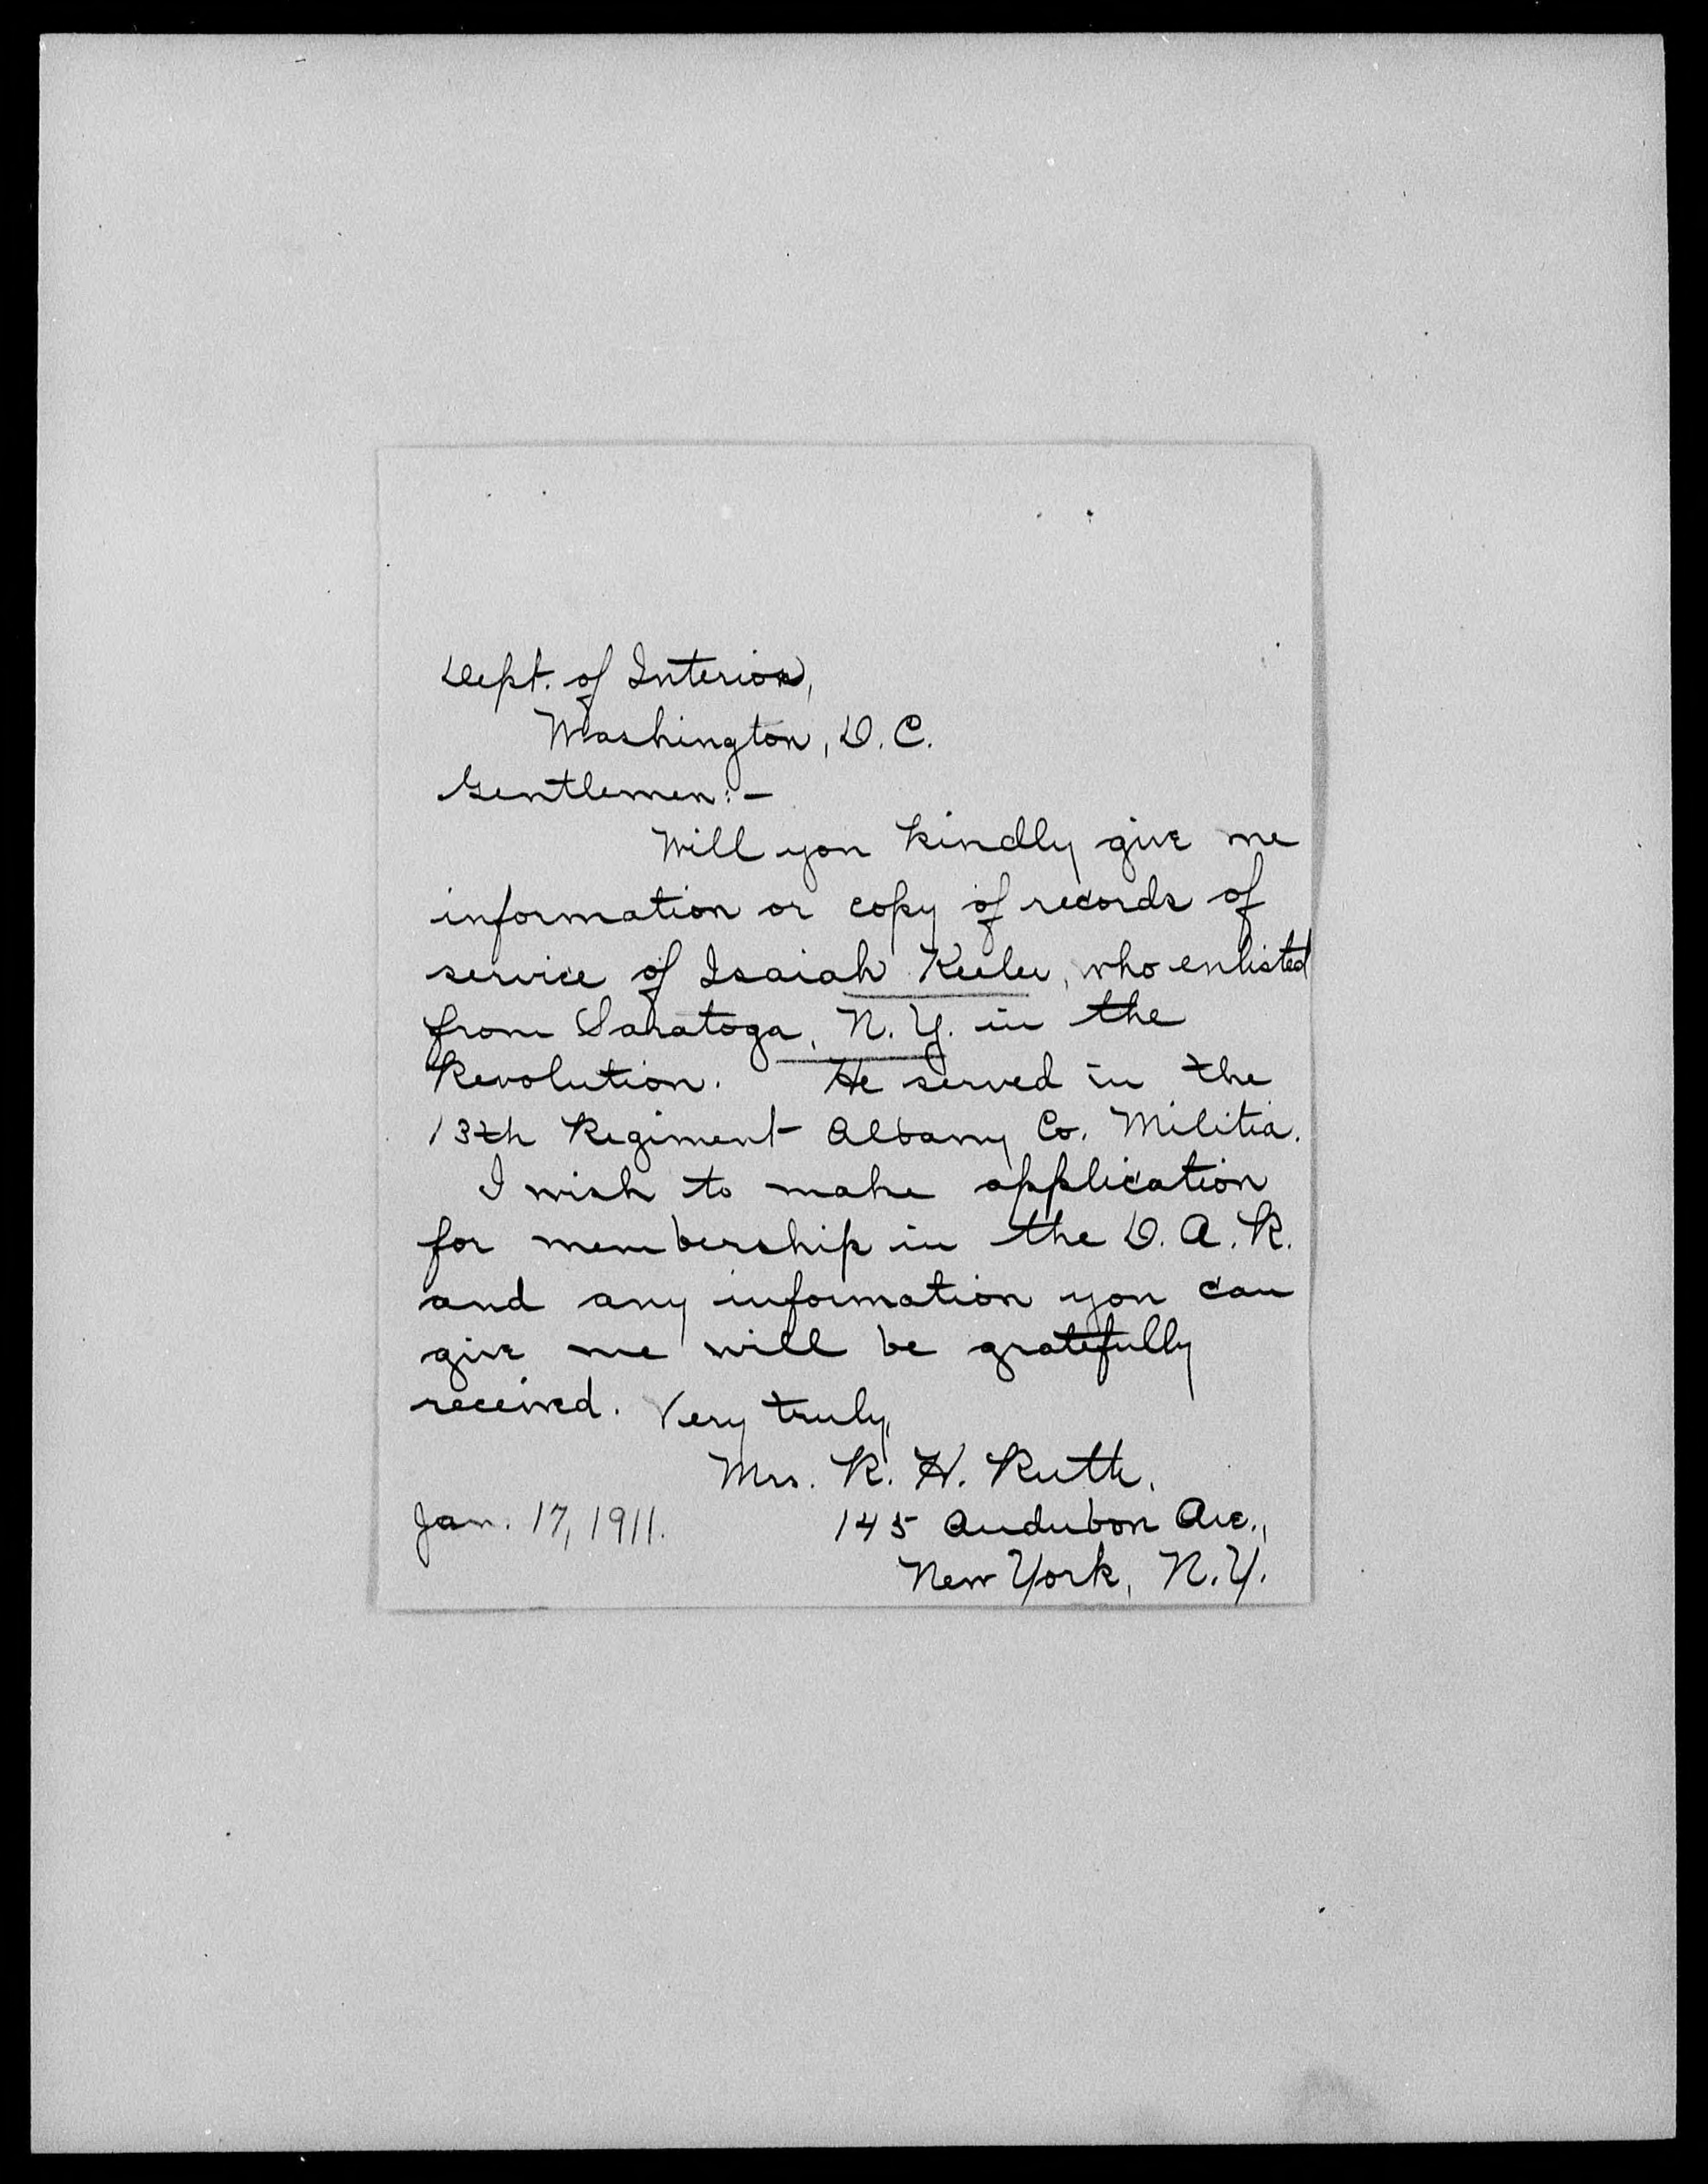Dept. of Interior
Washington, D.C
Gentlemen
Will you kindly give me
information or copy of records of
service of Isaiah Keeler, who enlisted
from Saratoga N.Y. in the
Revolution. He served in the
13th Regiment Albany Co. Militia.
I wish to make application
for membership in the D.A.R.
and any information you can
give me will be gratefully
received. Very truly
Mr. R.H. Ruth
145 Anderson Ave.
New York N.Y
Jan. 17, 1911.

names: R H Ruth; Isaiah Keeler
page: 24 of 26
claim: survivor's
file: S. 13,625, for Isaiah Keeler, New York